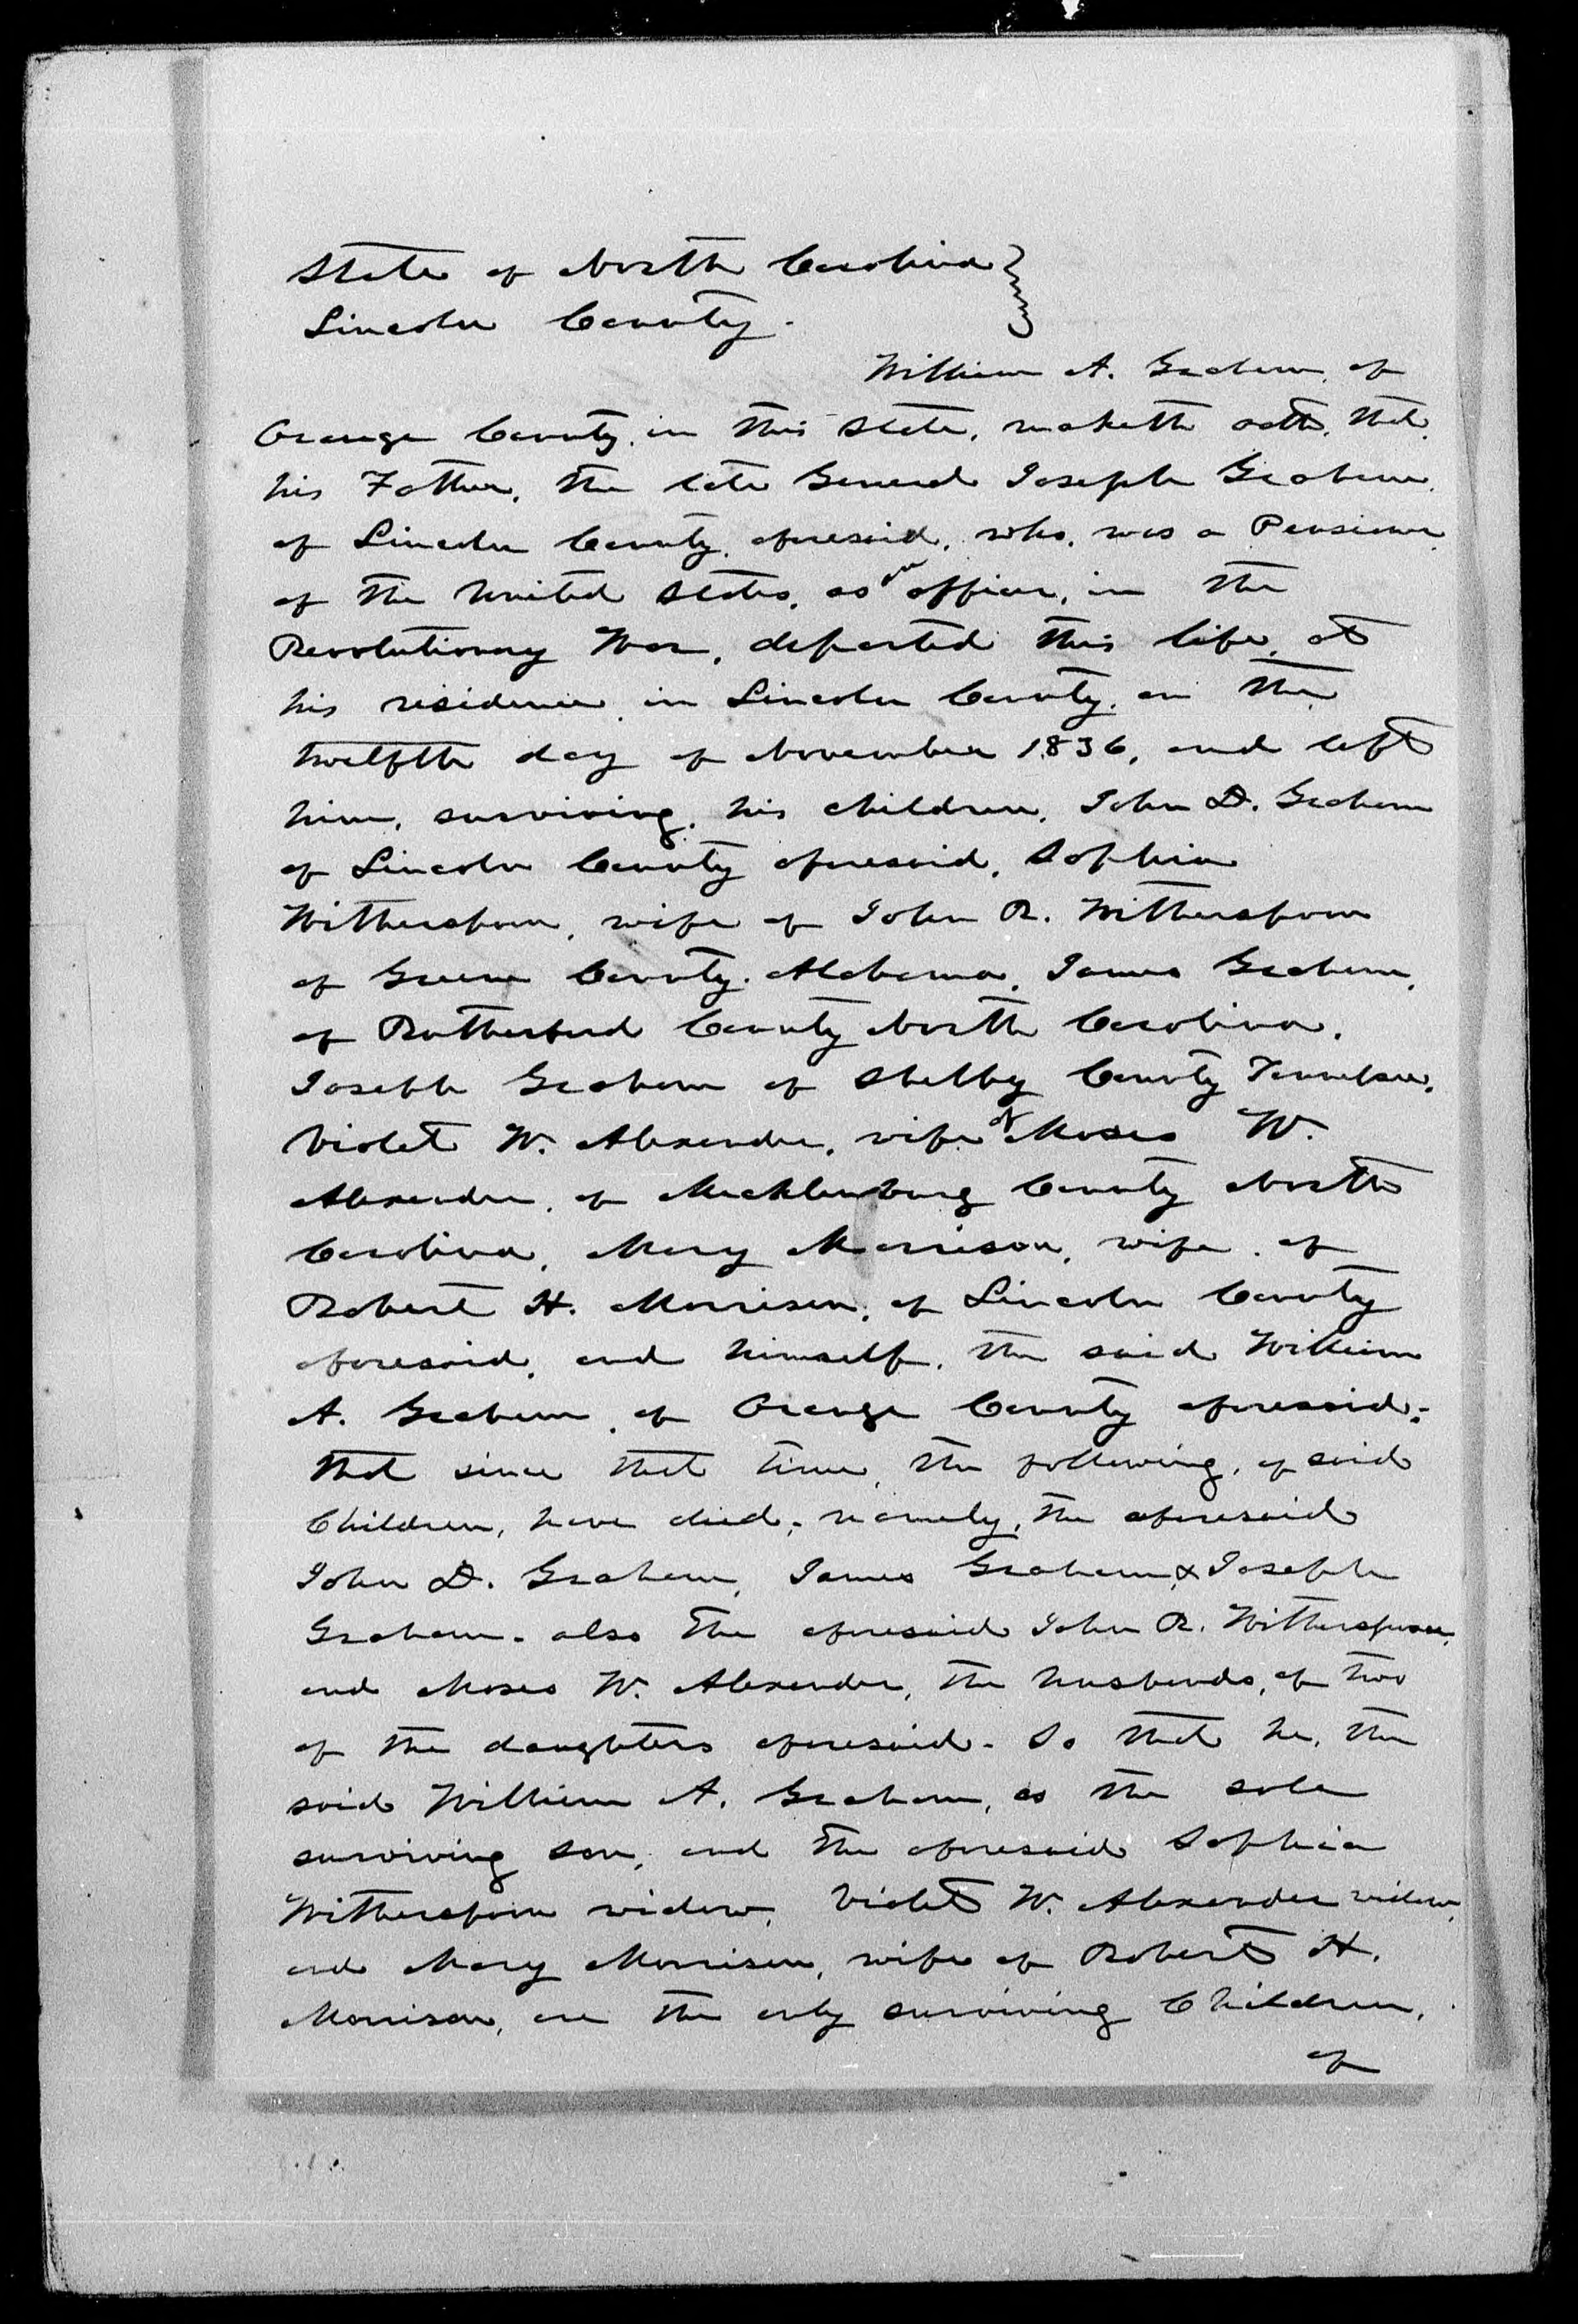State of North Carolina}
Lincoln County.}
William A. Graham of Orange County in this state maketh oath that his Father, the late General Joseph Graham of Lincoln County aforesaid who was a Pensioner of the United States, as an officer, in the Revolutionary War, departed this life at his residence in Lincoln County on the twelfth day of November 1836, and left him, surviving, his children, John D. Graham of Lincoln County aforesaid, Sophia Witherspoon , wife of John R. Witherspoon of Green County Alabama, James Graham of Rutherford County North Carolina, Joseph Graham of Shelby County Tennessee, Violet W. Alexander, wife Moses W. Alexander of Meccklenburg County North Carolina, Mary Morrison, wife of Robert H. Morrison of Lincoln County aforesaid, and himself, the said William A. Graham of Orange County aforesaid. That since that time the following of said Children, have died, namely, the aforesaid John D. Graham, James Graham & Joseph Graham, also the aforesaid John A. Witherspoon and Moses W. Alexander, the hsubands of two of the daughters aforesaid. so not he the said Wiliam A. Graham as the sole surviving son and the aforesaid Sophia Witherspoon widow, Violet W. Alexander widow and Mary Morrison, wife of Robert H. Morrison, are the only surviving Children of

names: Violet W Alexander, Mary Morrison, Joseph Graham, Moses W Alexander, John D Graham, John D Graham, Violet W Alexander, William A Graham, Mary Morrison, Robert H Morrison, William A Graham, John R Witherspoon, Joseph Graham, James Graham, Robert H Morrison, William A Graham, John R Witherspoon, Moses W Alexander, Sophia Witherspoon, Joseph Graham, James Graham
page: 15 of 55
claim: survivor's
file: S. 6,937, Joseph Graham, N.C.